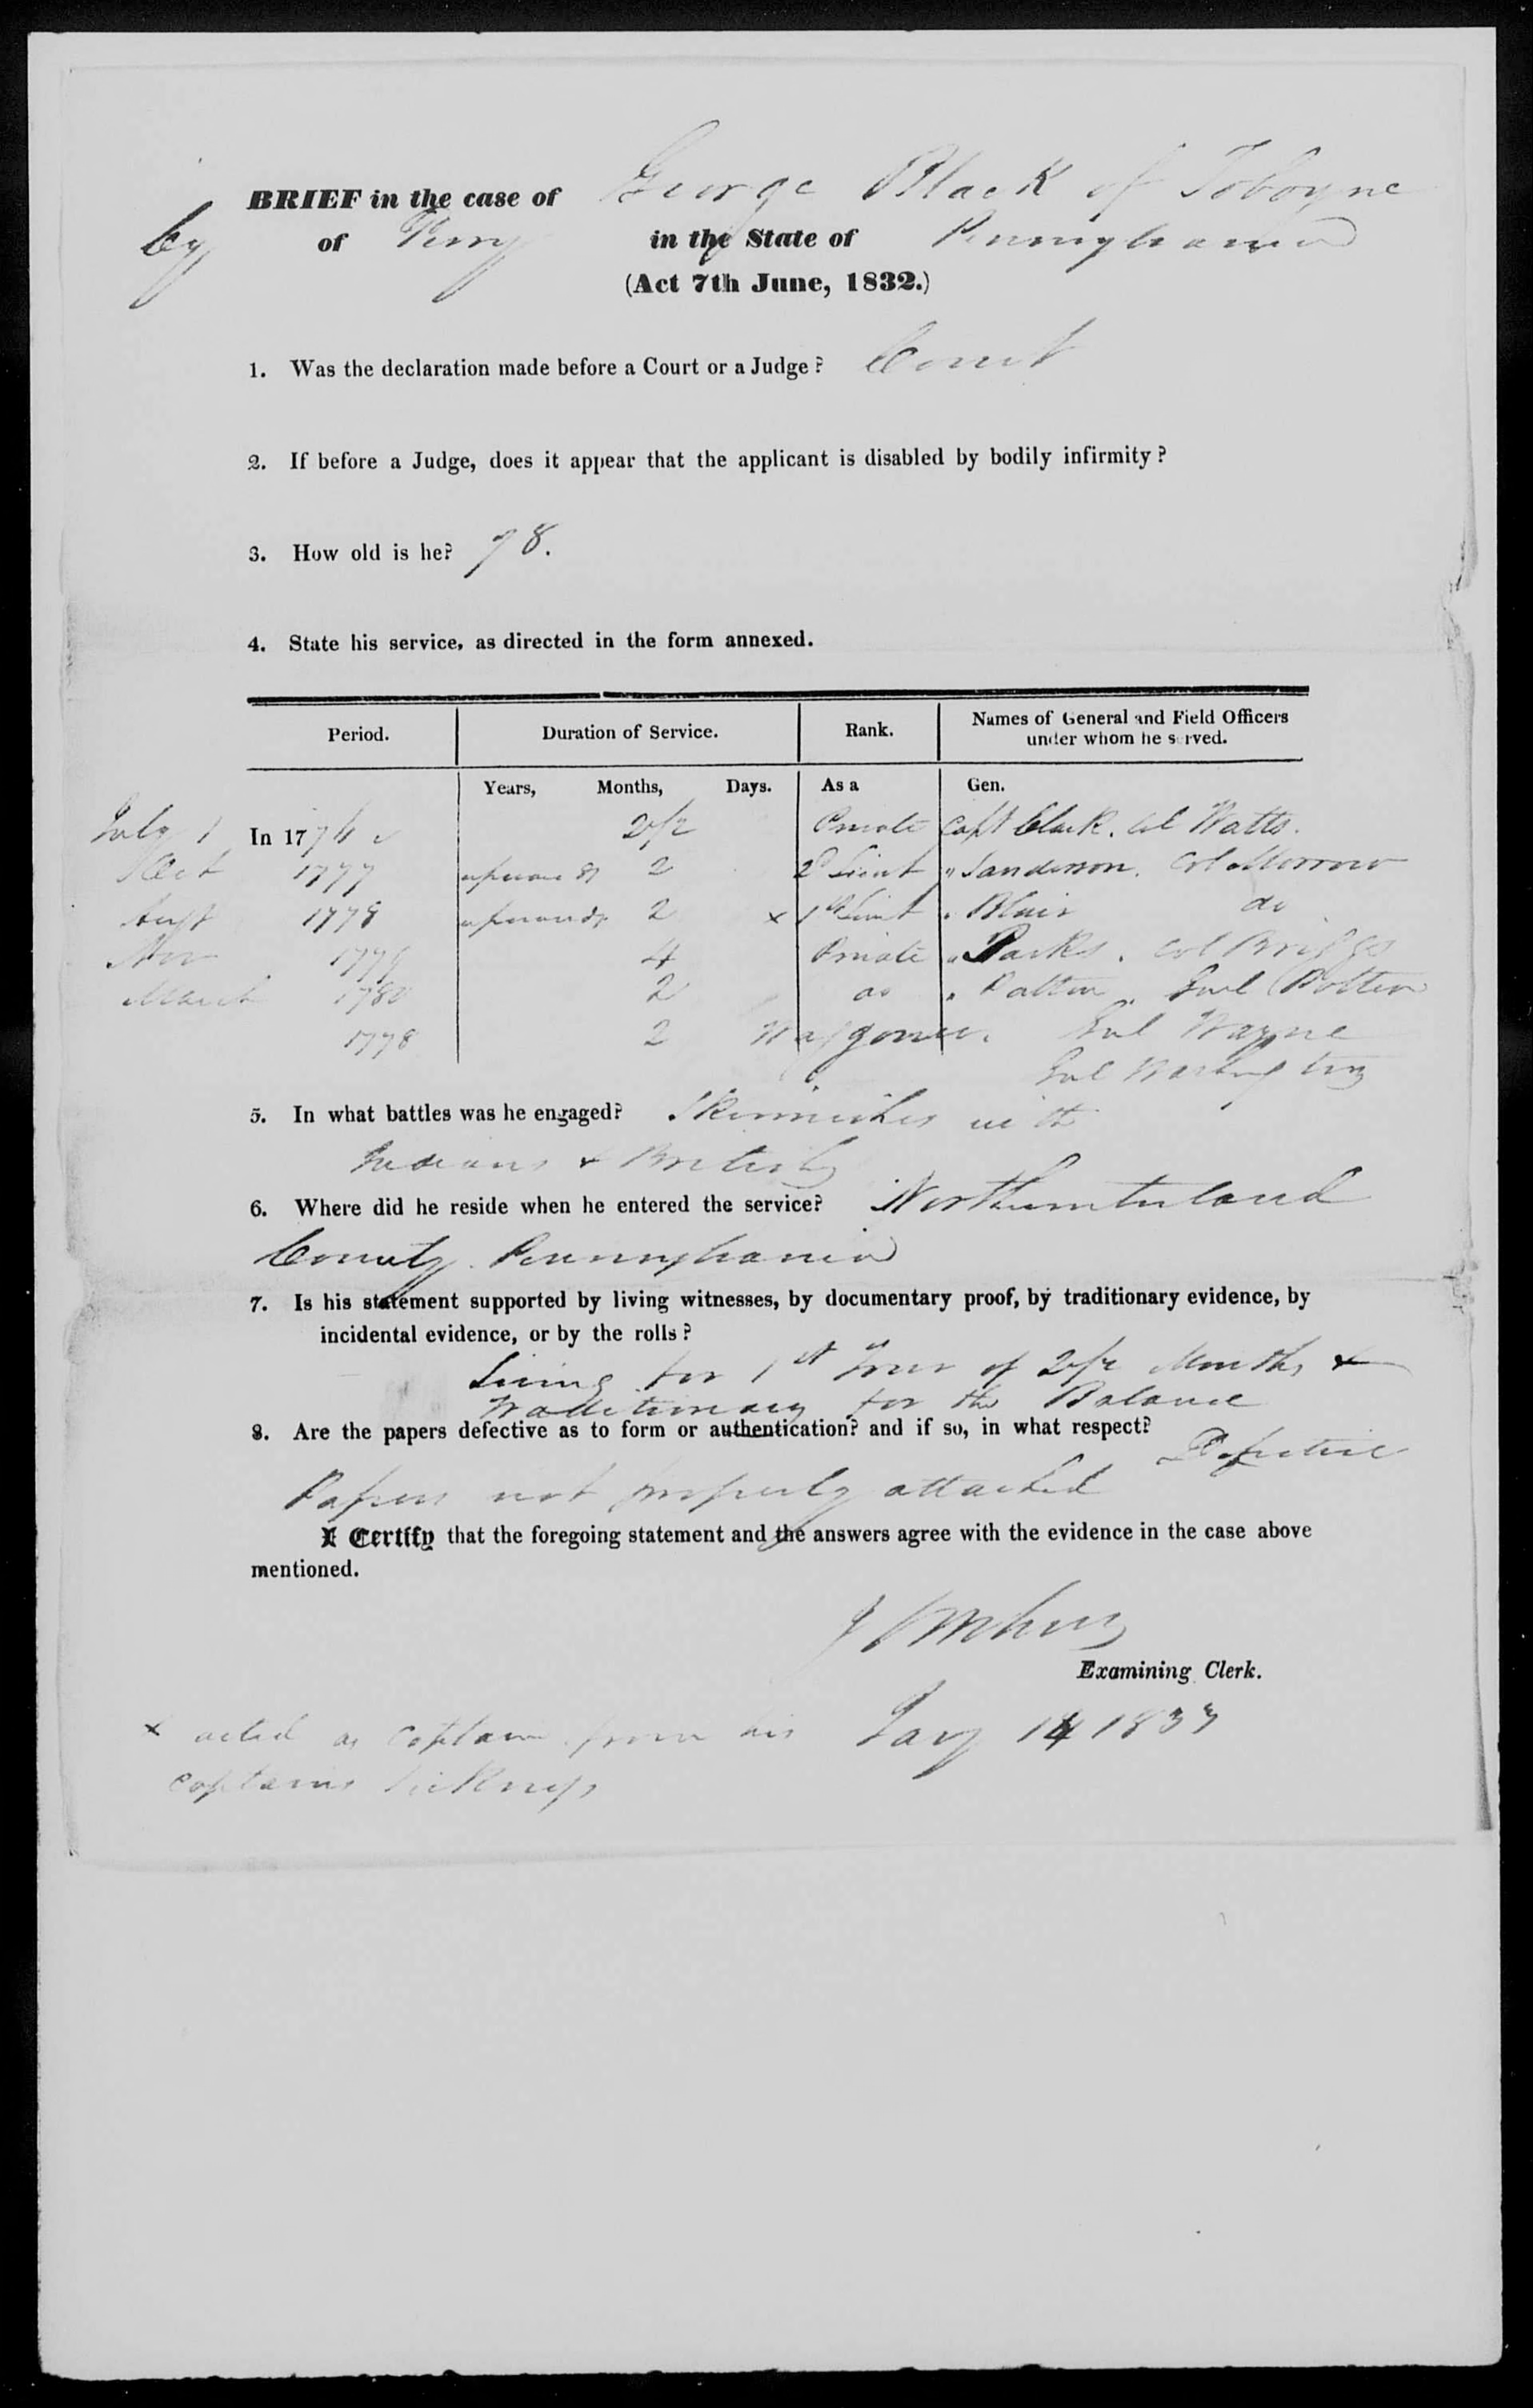BRIEF in the case of  George Black of Toboyne Cy of Perry in the State of ;Pennsylvania
                           (Act 7th June, 1832)

1.  Was the declaration made before a Court or a Judge?   Court

2.  If before a Judge, does it appear that the applicant id disabled by bodily infirmity?

3.  How old is he?   78

4.  State his service, as directed in the form annexed.

___________________________________________________


Period.  Duration of Service.  Rank  Names of General and field Officers under whom he served.
_________________________________________________
                        -Years, Months, Days-As a-Gen.
July 1, In 1774 - 2 of 2-Private  Capt Clark. Col Watts.

Oct 1777 - [illegible]-2-2nd Lieut-" J Anderson. Col Morrow
Sept 1779-[illegible]-2-x-2st Lieut- "Blair  do
Nov 1779-4-Private-" Parks. Col Briggs
March 1780-2-do-" Patton. Genl  Patton
1778-2-Waggoner-" Genl Wayne Genl Washington

5.  In what battles was he engaged? Skirmishes with Indians & British

6.  Where did he reside when he entered the service?  Westmoreland County, Pennsylvania

7.  Is his statement supported by living witnesses, by documentary proof, by traditionary evidence, by incidental evidence, or by the rolls?   Living for 1st [illegible] of [illegible] months & [illegible] for the Balance

8.  Are the papers defective as to form or authentication? and if so, in what respect?  Defective
Papers not properly attached

  Certify that the foregoing statement and the answers agree with the evidence in the case above mentioned.

          [illegible]
                    Examining Clerk
                     Jany 14, 1833

x acted as Captain from his Captains [illegible]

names: J Onchen, Briggs, Washington, Clark, Watts, Blair, Wikness, Morrow, Potter, Sanderson, George Black, Patton, Parks, Wayne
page: 19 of 30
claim: widow's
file: W. 3211, George Black, Penn.